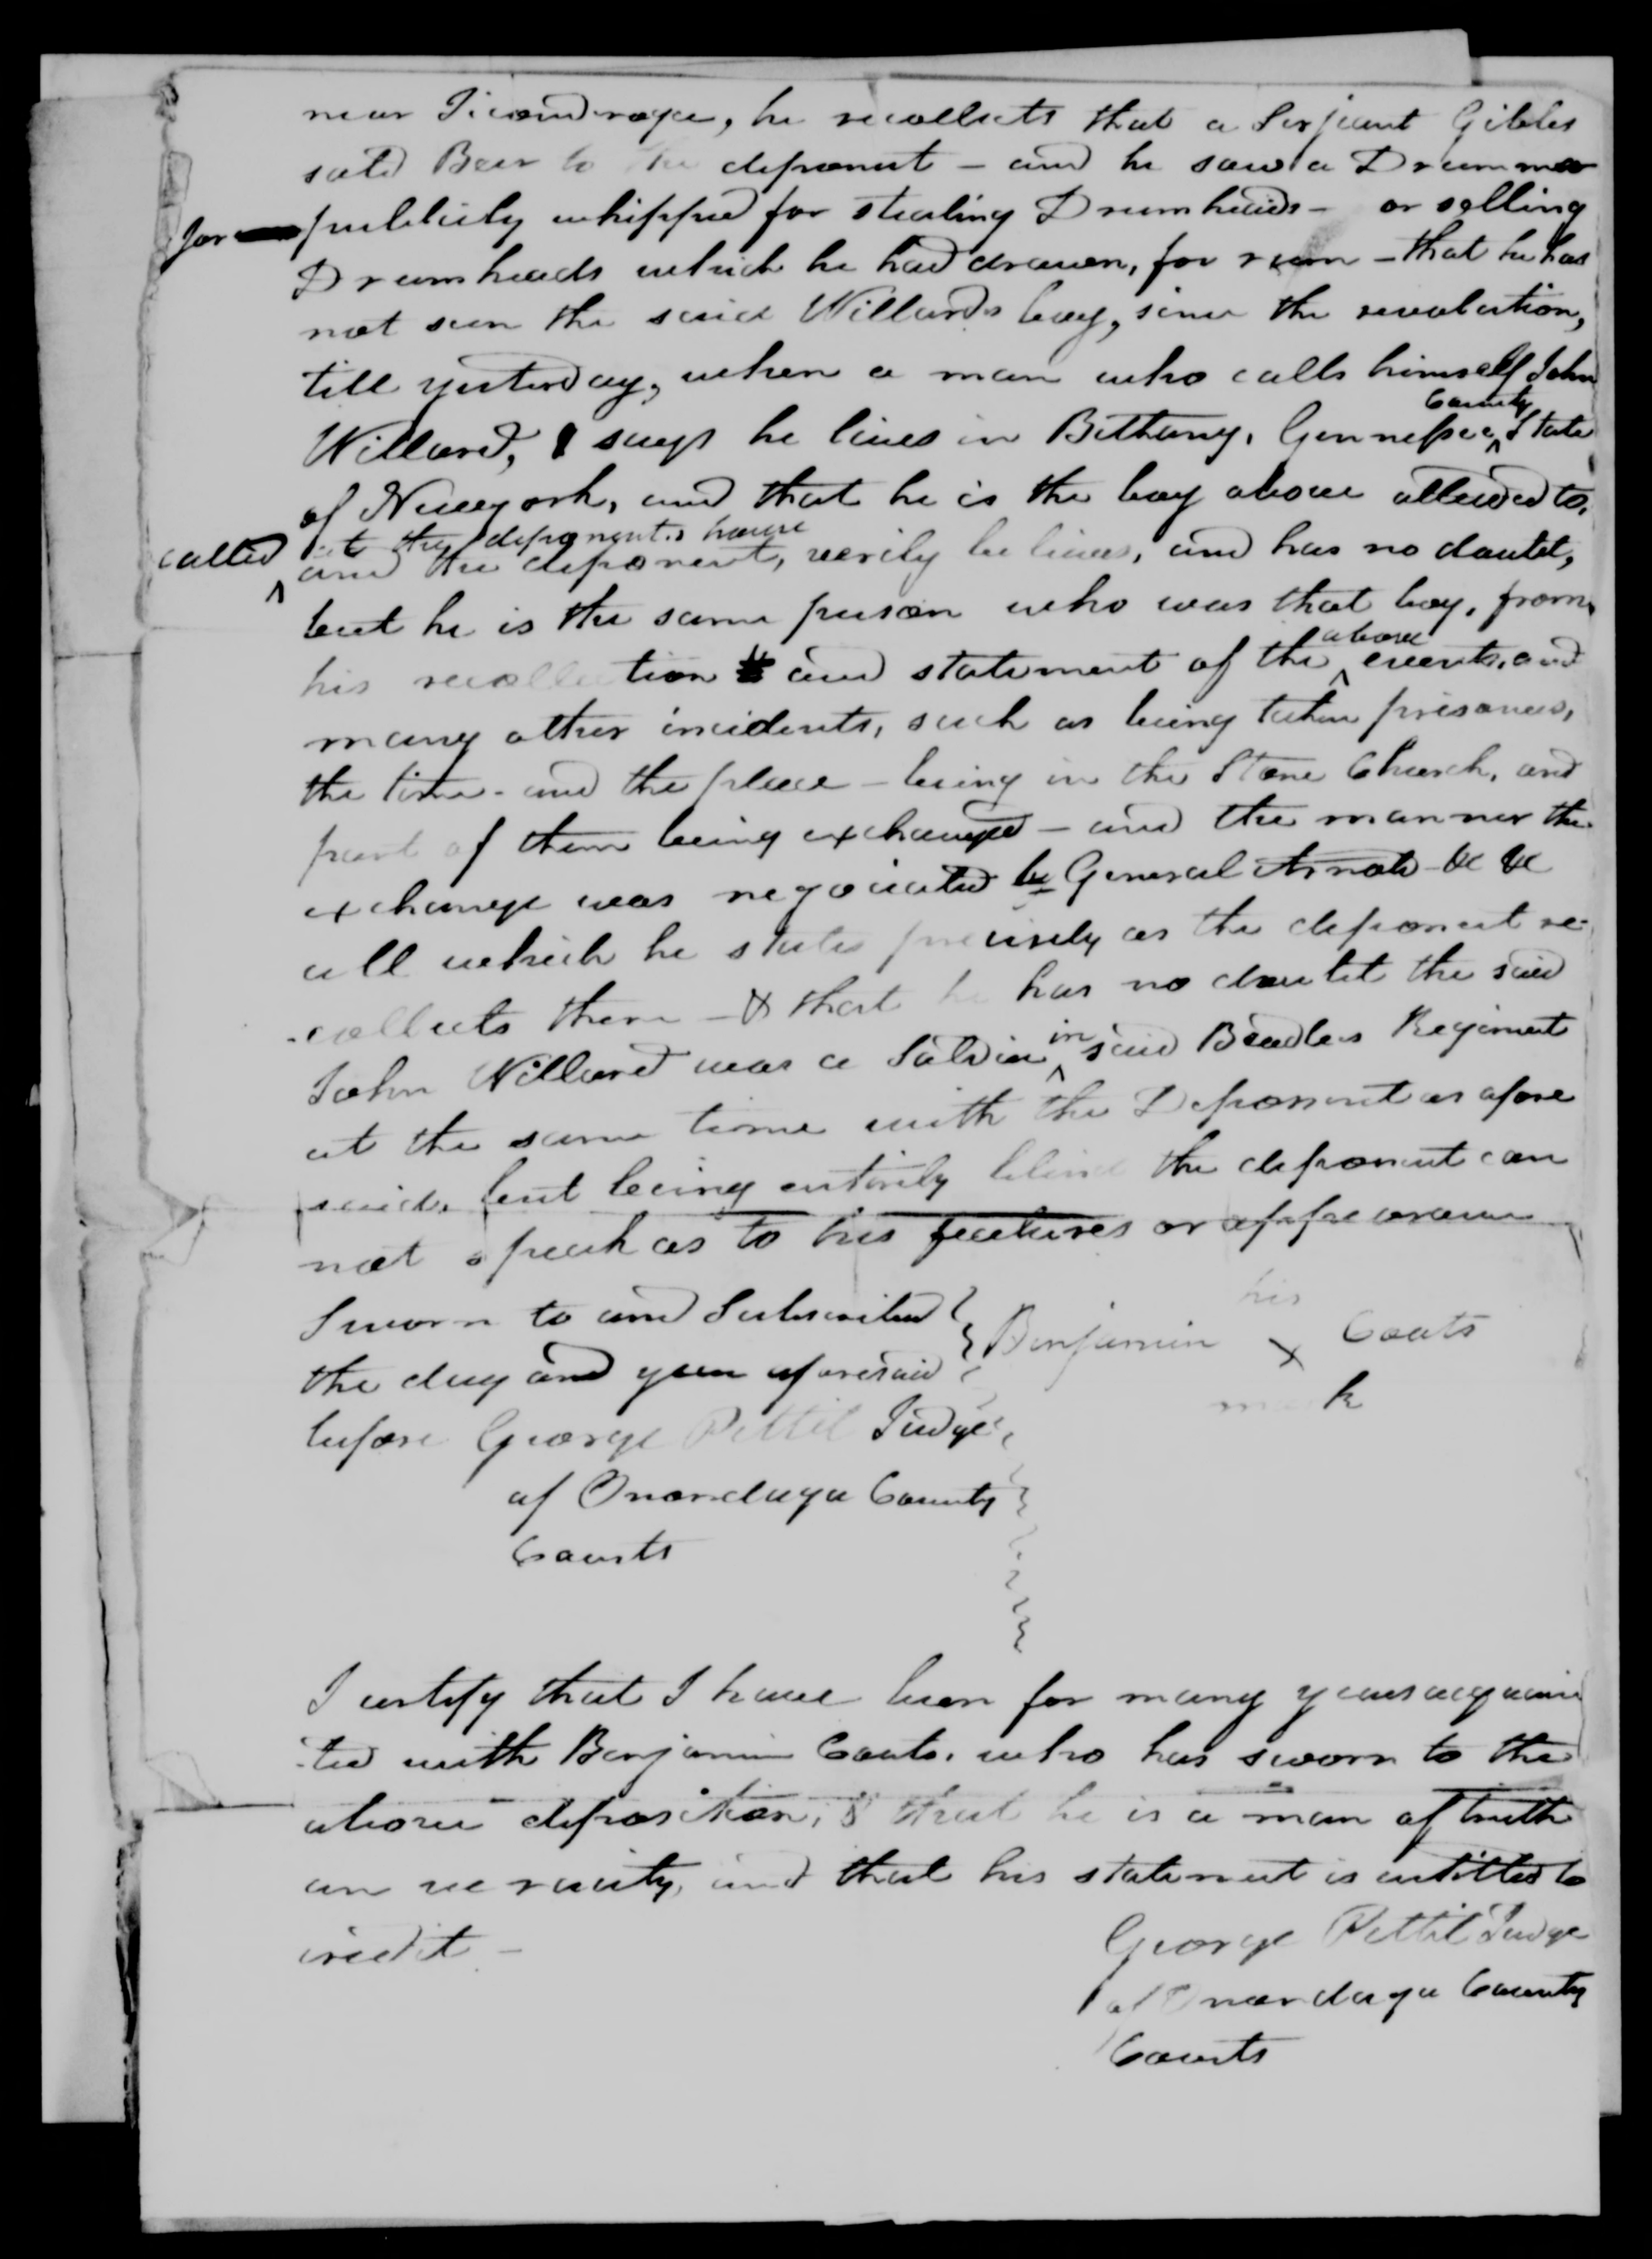near Ticondaroga, he recollects that a Serjeant Gibbs-
[illegible] the deponent- and he saw a Drummer
publicly whipped for stealing Druma [illegible]-- or selling
Drumheads which he had drawn, for he that he has
not seen the said Willards boy, since the revolution,
till yesterday, when a man who calls himself John Willard, & says he lives in Bethany, Gennessee State of
New york, and that he is the boy above attended to
that verily be lives, and has no doubt,
but he is the same person who was that day, from
his recollection and statement of the rents, and
many other incidents, such as being taken prisoners,
the time and the place-- being in the Stone Church, and
party of them being exchanged, and the manner the
exchange was negotiated by General Arnold &c &c
all which he state precisely as the deponent
let there & that he has no doubt the said
John Willard was a soldier in said Beadles Regiment
at the same time with the Deponent as afore
said but being entirely along the deponent can
not purchas to his features or appearance
Benjamin his x mark Coats
Sworn to and subscribed
the day and year aforesaid
before George Pettit Judge
of Onondaga County Courts
I certify that I have been for many years acquaintted with Benjamin Coats, who has sworn to the
above deposition, & that he is a man of truth
an veracity, and that his statement is entitled to
credit
George Pettit Judge
Onandago County
Courts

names: Gibbs, George Pettil, John Willard, Benjamin Coats, Arnold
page: 16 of 18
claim: survivor's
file: S. 11848, John Willard, N. H.